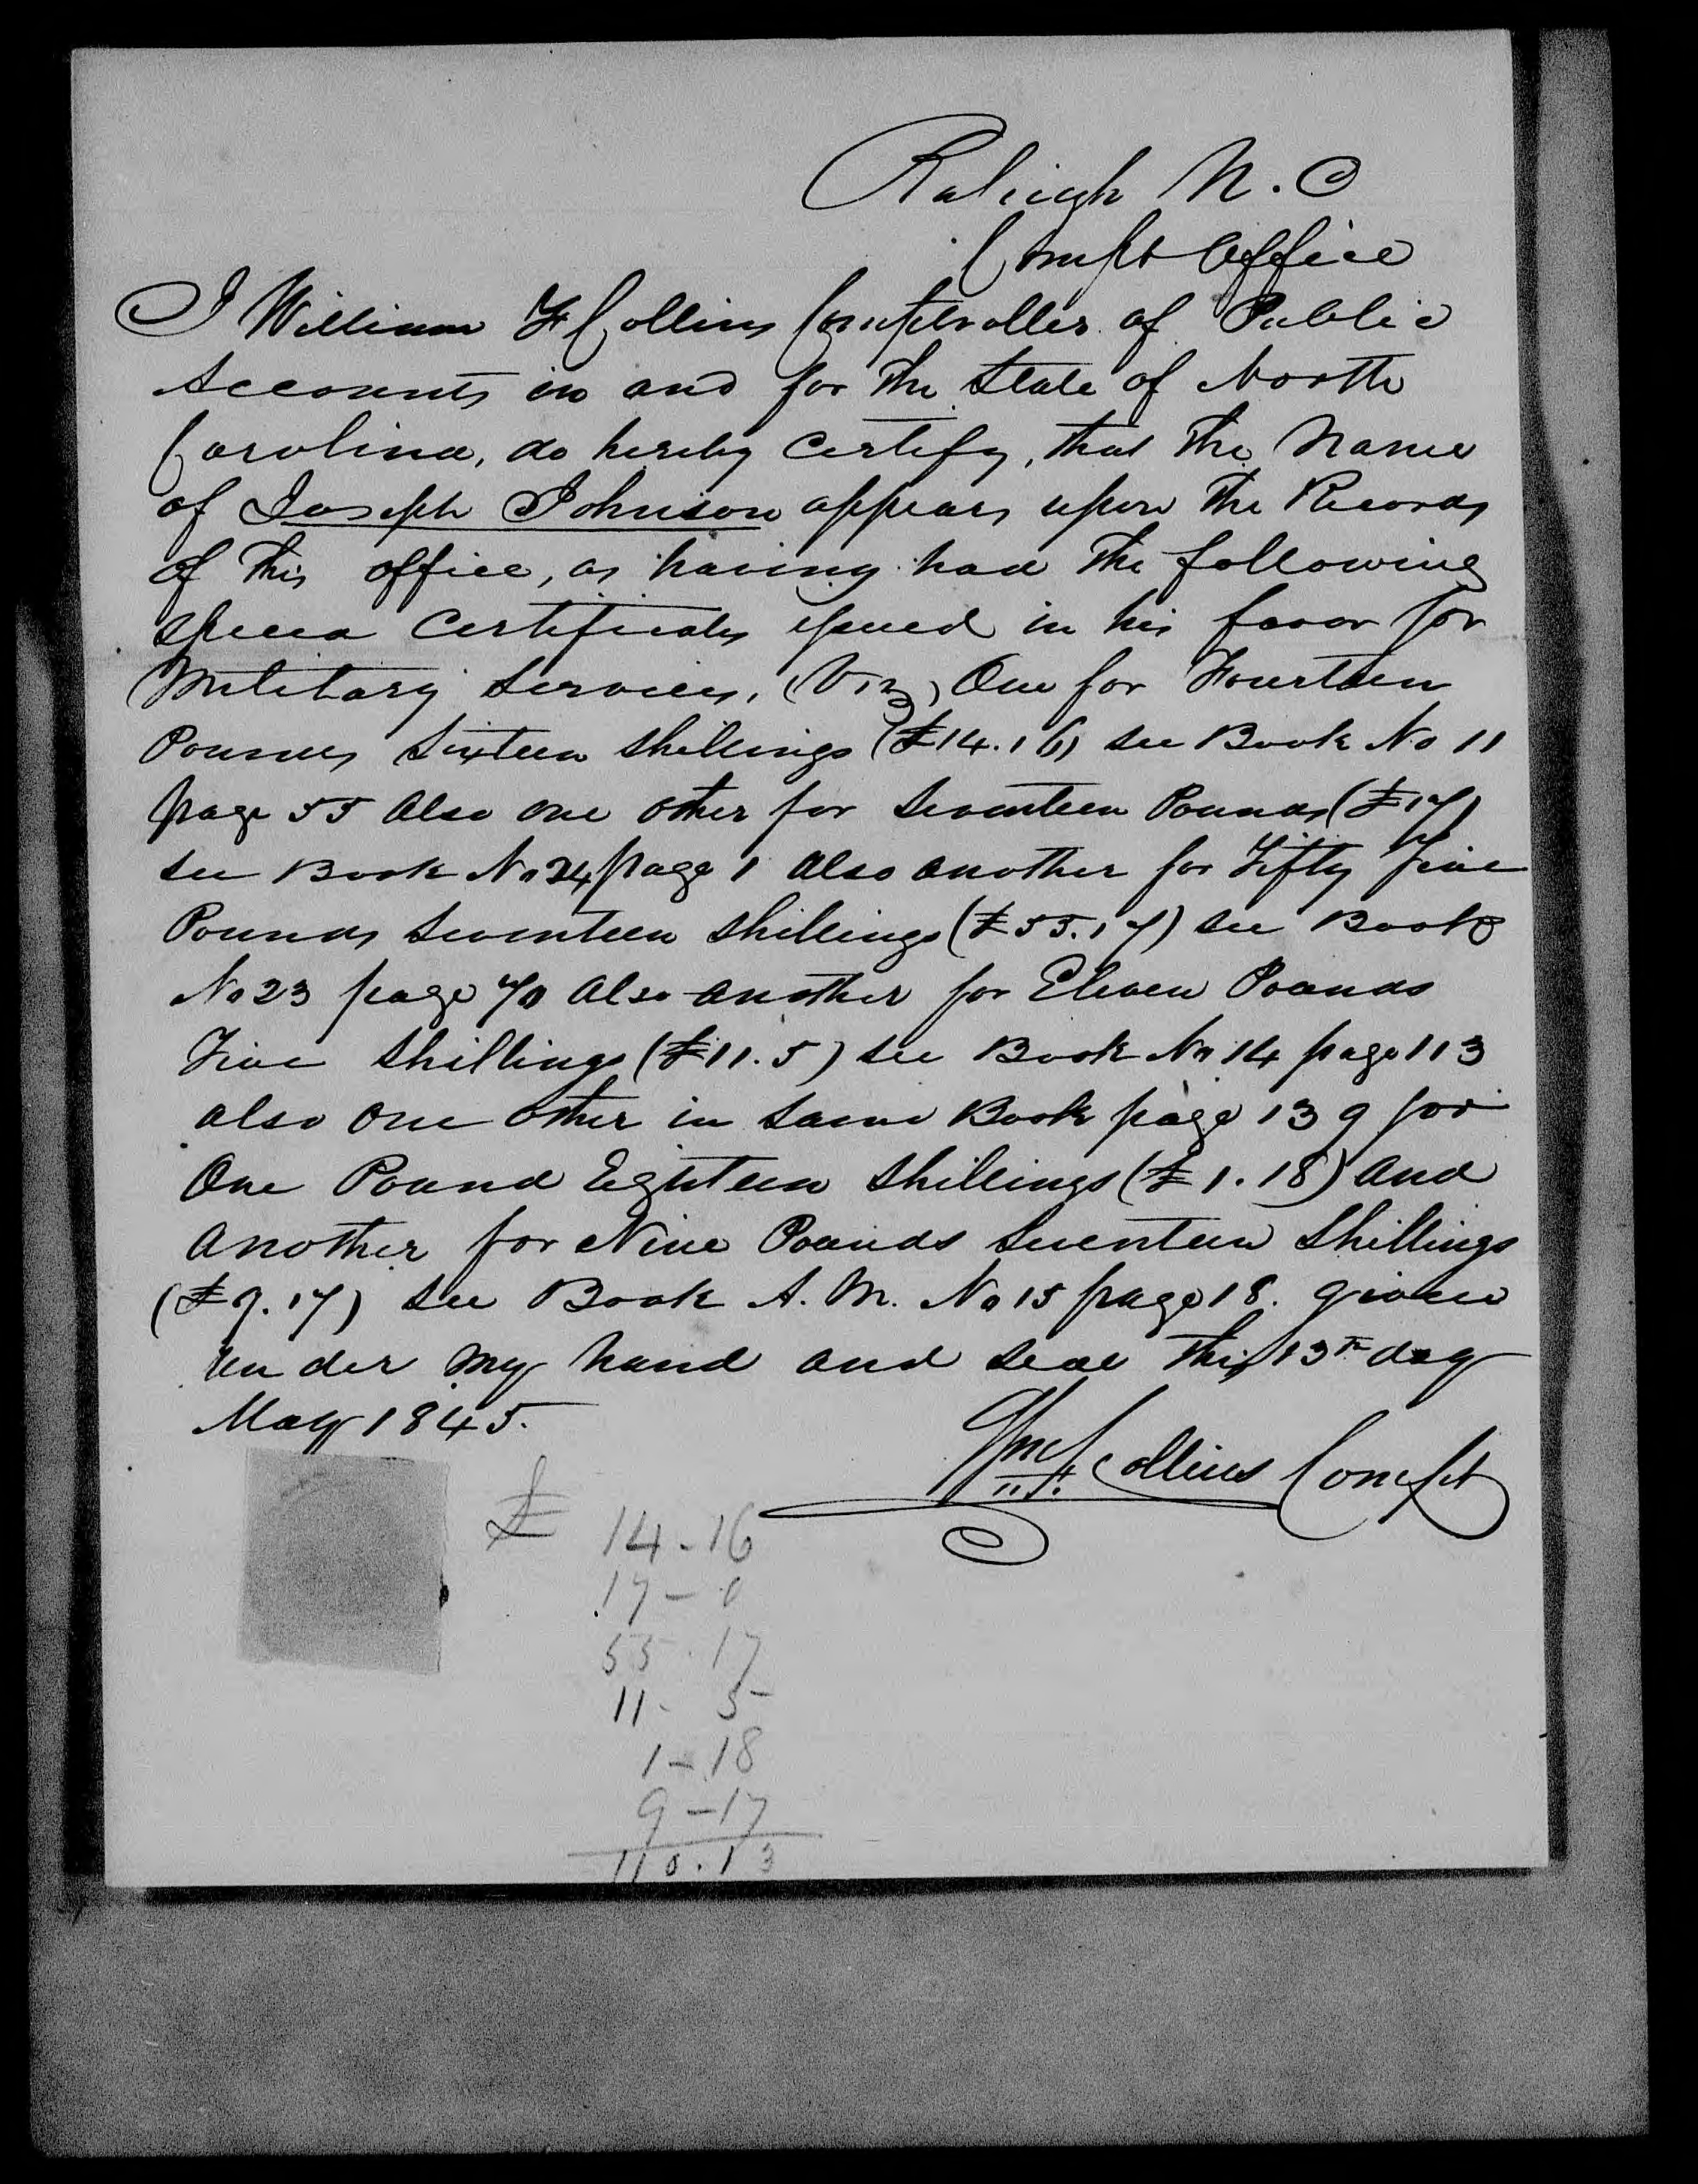Raleigh N. C
Compt [Comptroller] Office 

I William F Collins Comptroller of Public Accounts in and for the State of North Carolina, do hereby certify, that the name of Joseph Johnson appears upon the Records of this office, as having had the following specie certificate issued in his favor for Military services, (Viz) One for Fourteen Pounds Sixteen Shillings (£14.16) see Book No 11 page 55 also one other for Seventeen Pounds (£17) See Book No 24 page 1, also another for Fifty five Pounds Seventeen shillings (£55.17) see Book No 23 page 70 also another for Eleven Pounds Five Shillings (£11.5) see Book 14 page 113 also one other in same Book page 139 for One pound Eighteen shillings (£1.18) and another for Nine Pounds Seventeen Shillings (£9.17) see Book A. M. No 15 page 18, given under my hand and seal this 13th day May 1845. 
Wm. F Collins Compt [Comptroller]

£14 - 16 
17 - 0
55 - 17
11 - 5
1 - 18
9 - 17
110.13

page: 34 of 41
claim: widow's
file: W. 5033, for Joseph Johnston, North Carolina